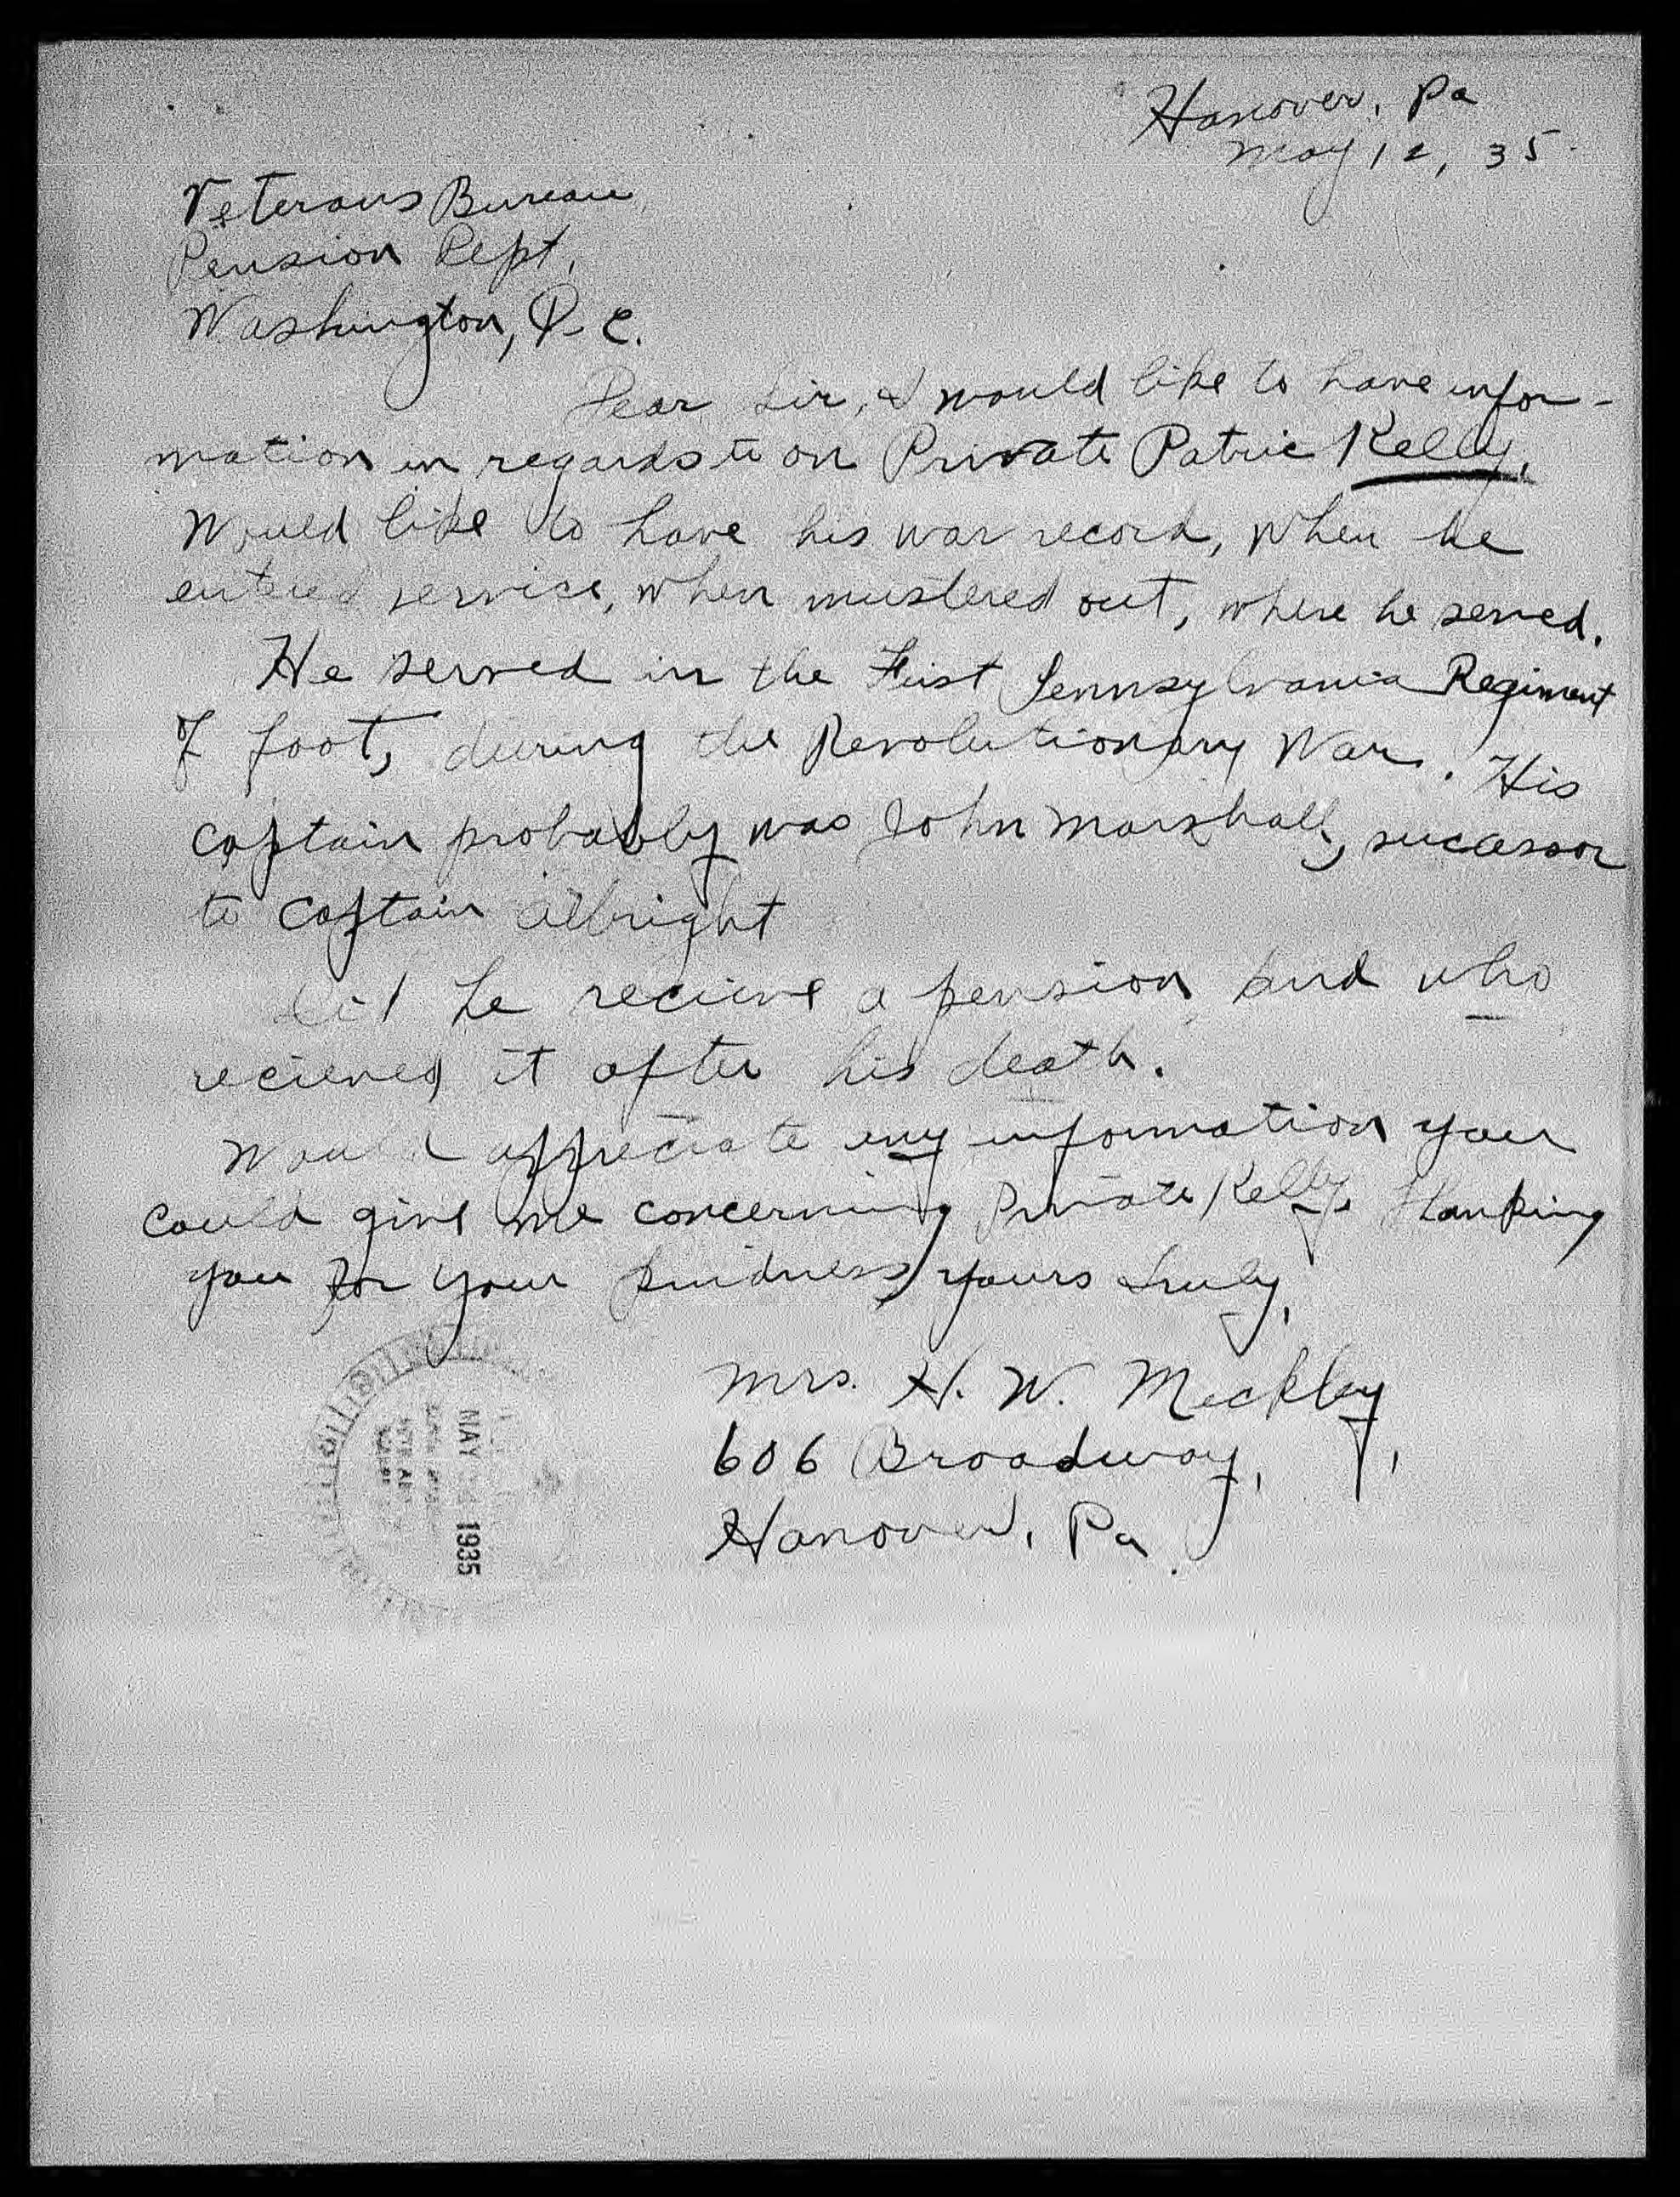Hanover, Pa
                   May 12, 35.

Veterans Bureau
Pension Dept.
Washington, D.C.
Dear Sir,  I would like to have information in regards to one Private Patric (sic) Kelly.  Would like to have his war record, when he entered service, when mustered out, where he served.
     He served in the First Pennsylvania Regiment of Foot, during the Revolutionary War.  His Captain probably was John Marshall, sucasoor (sic) to Captain Albright.
     Did he recieve (sic) a pension and who recieved (sic) it after his death.
     Would appreciate any information you could give me concerning Private Kelly.  Thanking you for your kindness, Yours truly,
                     Mrs. H.W. Meckley
                     606 Broadway
                     Hanover, Pa
(stamp)
RECEIVED MAY 14 1935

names: H W Meckley; Patric Kelly; John Marshall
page: 9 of 11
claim: bounty land warrant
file: B. L. Wt. 2110-100, for Patrick Kelly, Pennsylvania